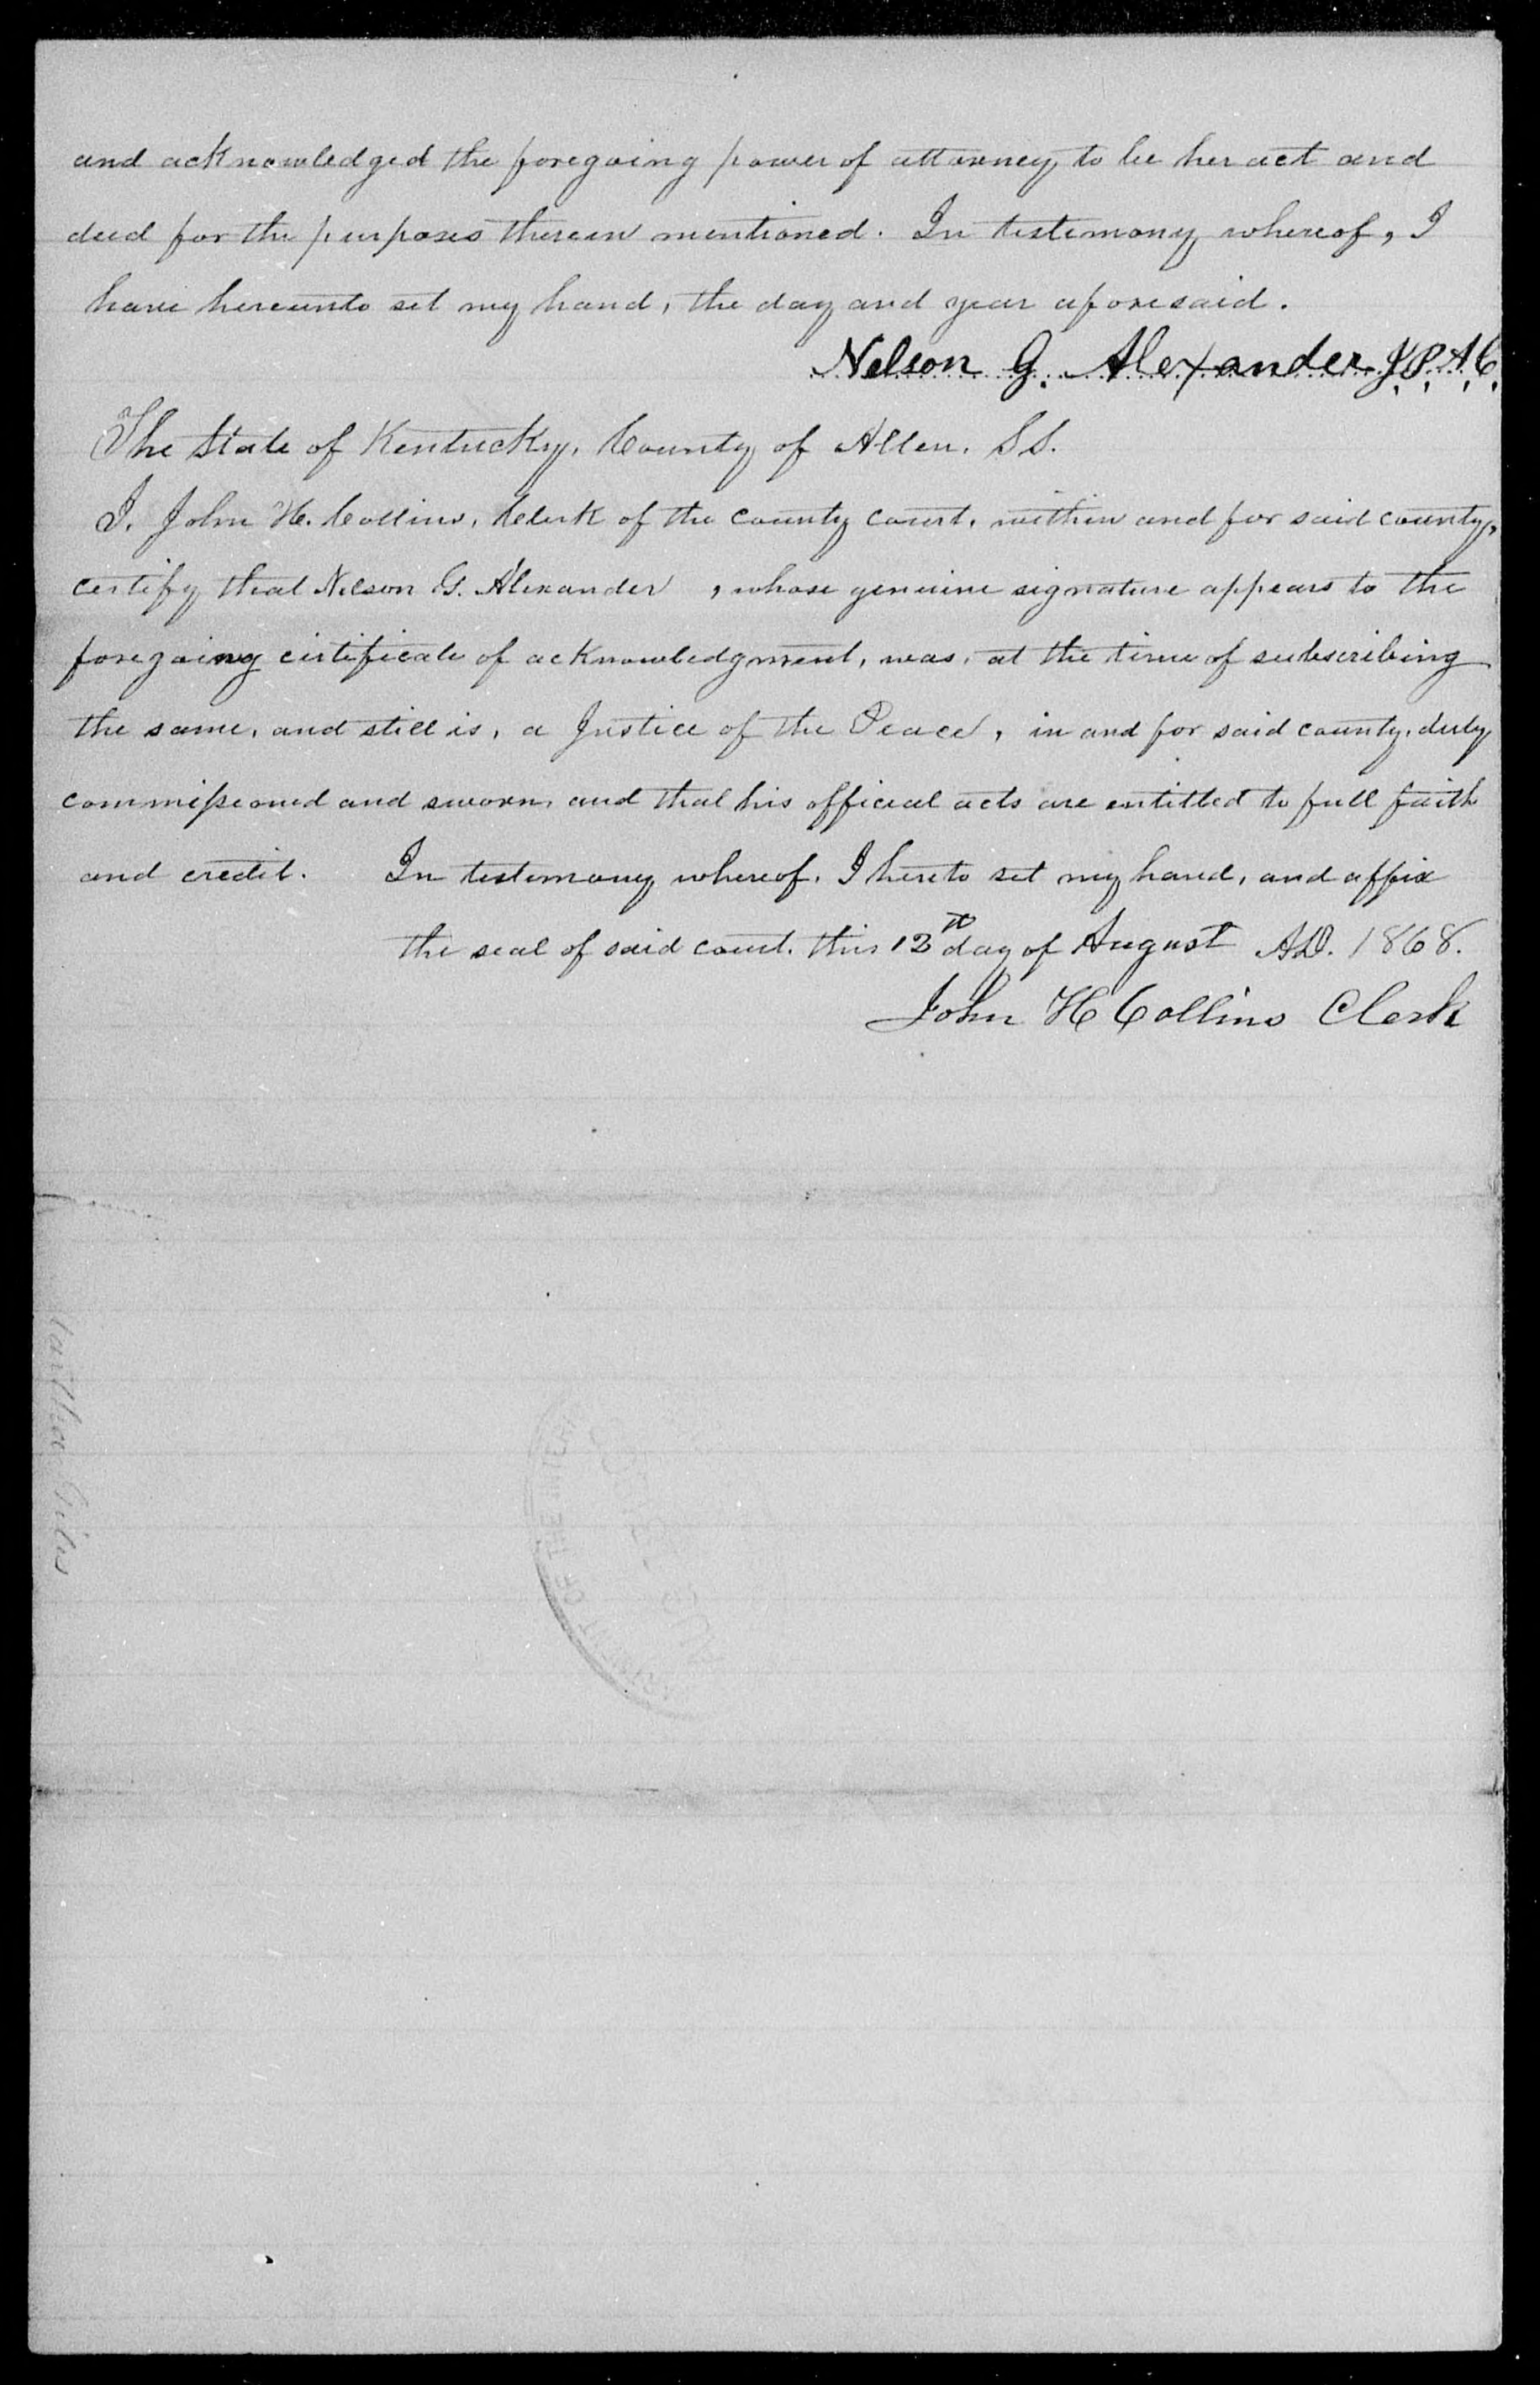and acknowledged the foregoing power of attorney to be her act and deed for the purposes therein mentioned, In testimony whereof, I have hereunto set my hand, the day and year aforesaid.
Nelson G. Alexander JPAC

The State of Kentucky, County of Allen, SS.
I, John H. Collins, clerk of the county court, within and for said county, certify that Nelsen G. Alexander, whose genuine signature appears to the foregoing certificate of acknowledgement, was, at the time of subscribing the same, and still is, a Justice of the Peace, in and for said county, duly commissioned and sworn and that his official acts are entitled to full faith and credit.
In testimony whereof, I hereto set my hand, and affix the seal of said court, this 12th day of August A.D. 1868.
John H. Collins Clerk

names: Nelson G Alexander, John H Collins, Nelson G Alexander, John H Collins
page: 60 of 82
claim: widow's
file: W. 7,522, John Giles, N.C.